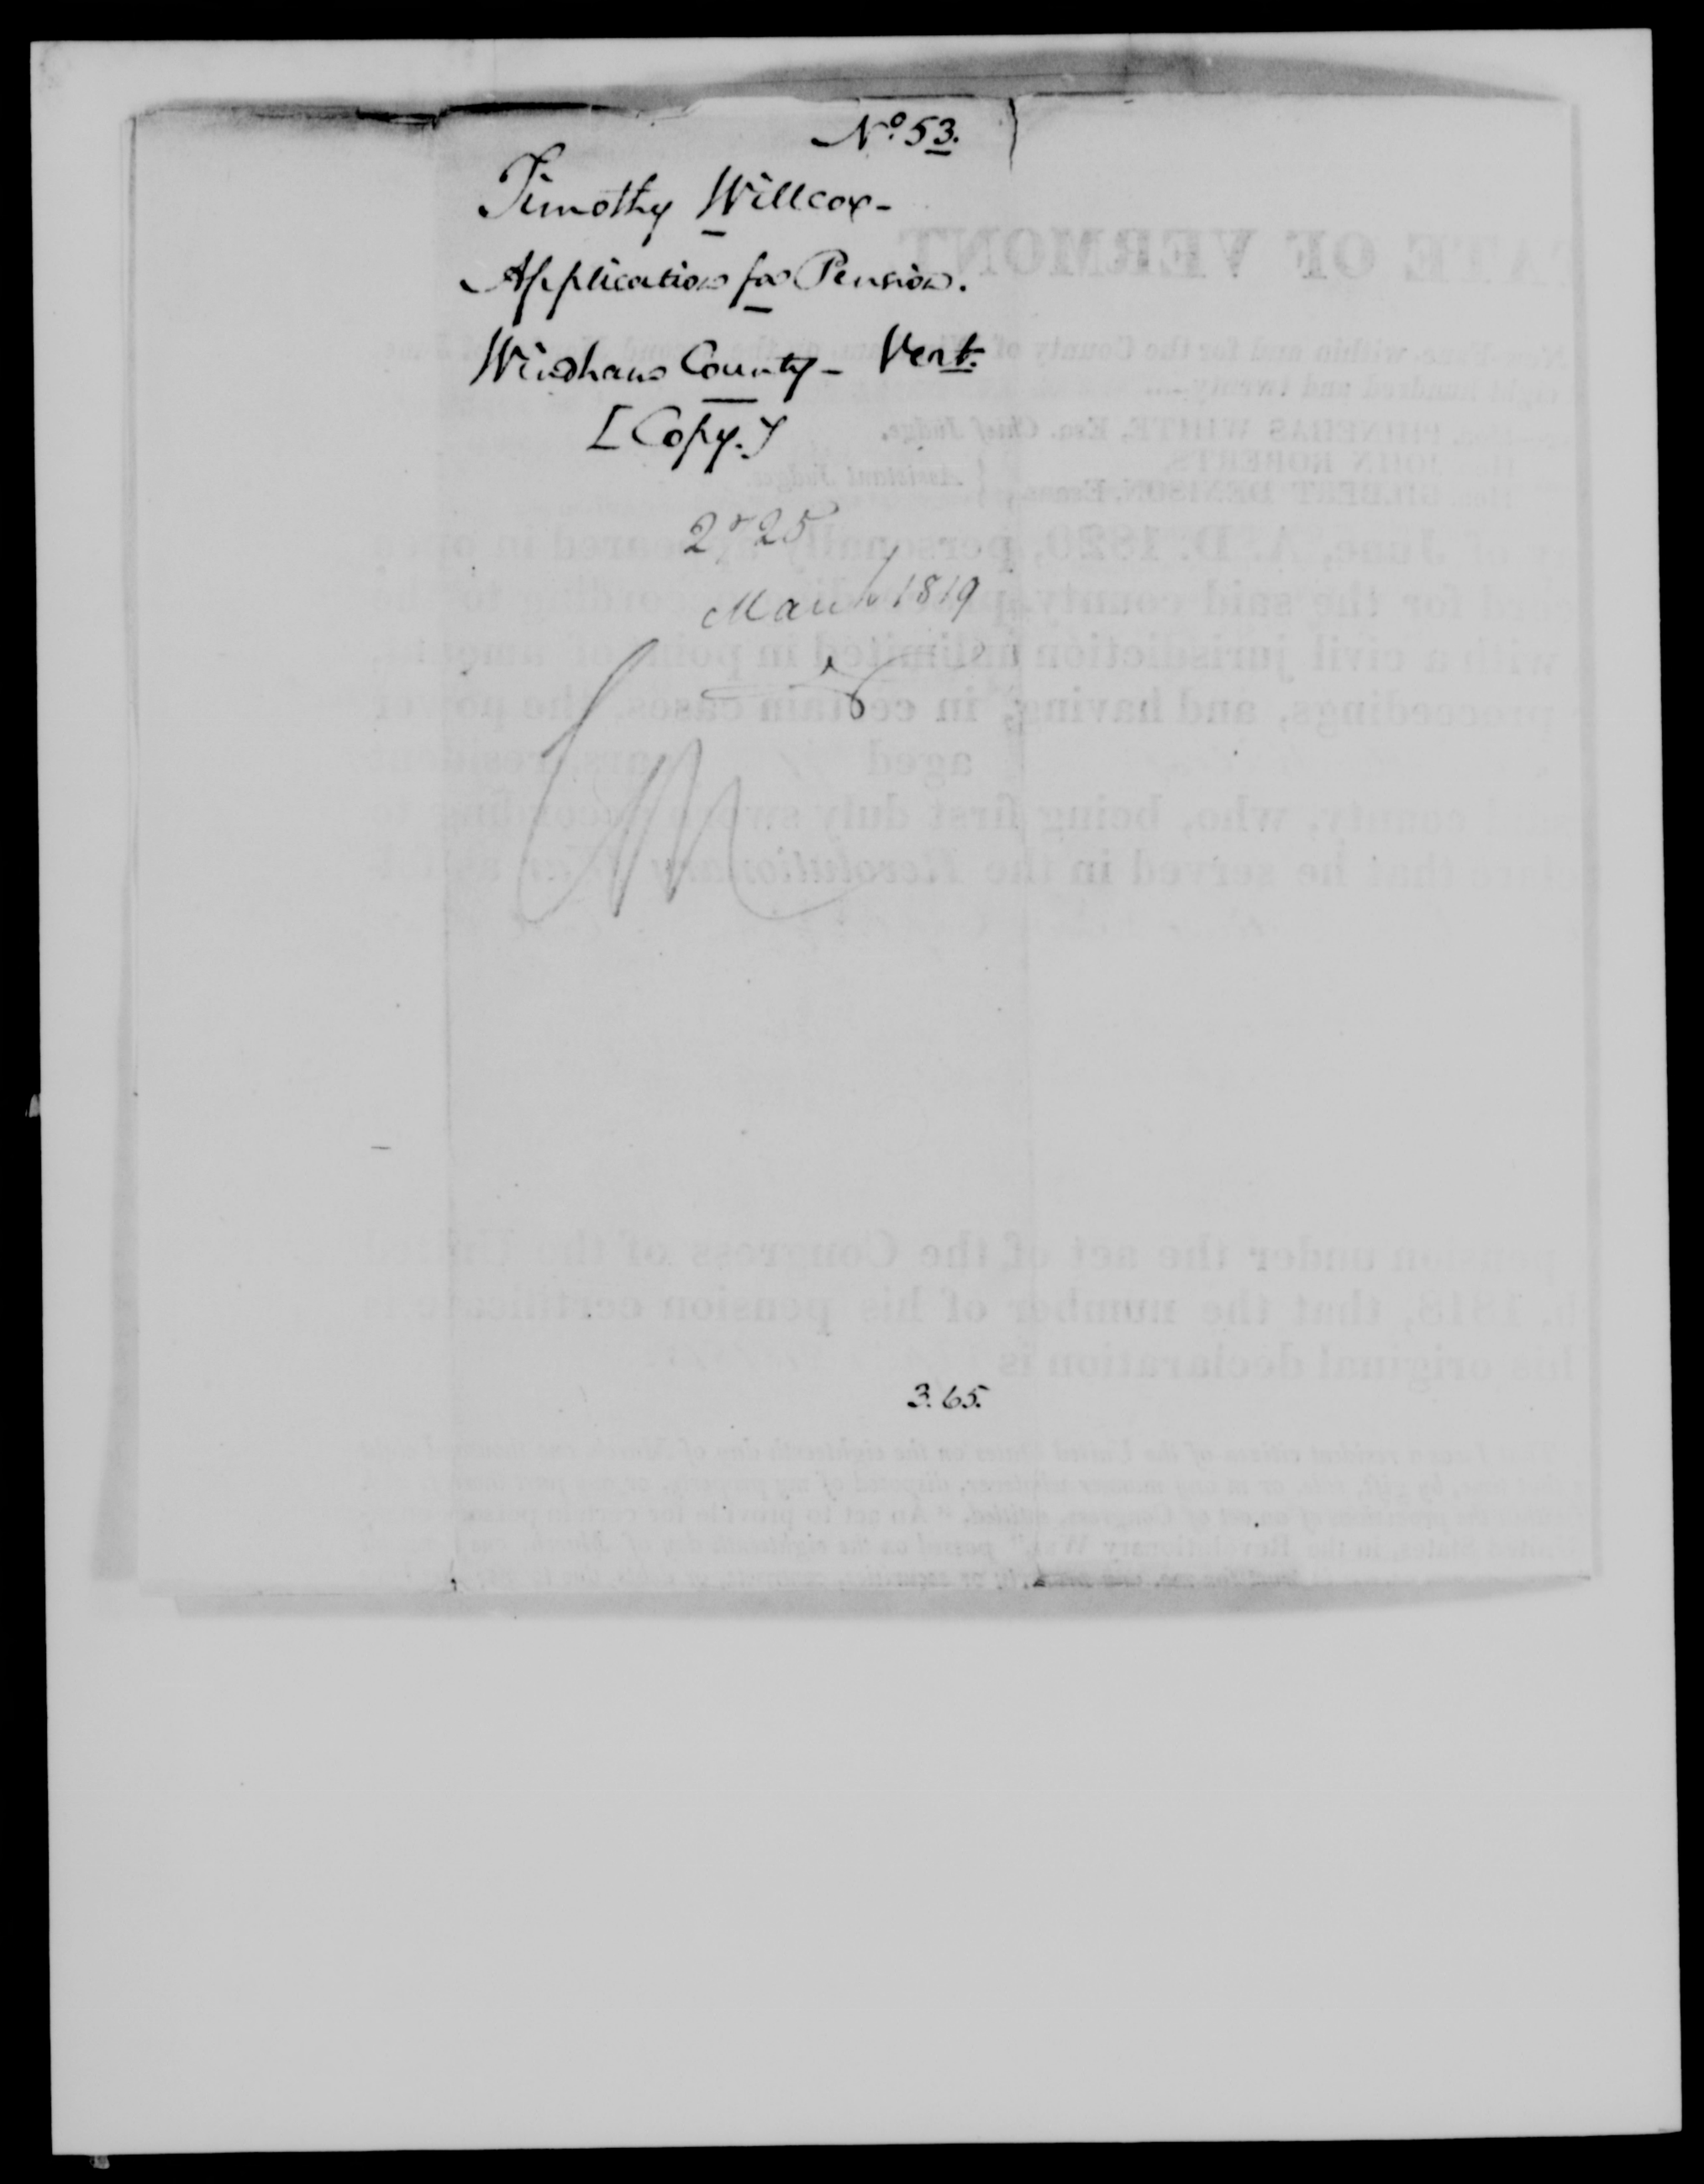No. 53
Timothy Willcox
Application for Pension. 
Windham County - Vert.
[Copy]
2725
March 1819
[illegible]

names: Timothy Willcox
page: 3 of 15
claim: survivor's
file: S. 41336, Timothy Willcox, Conn. Continental